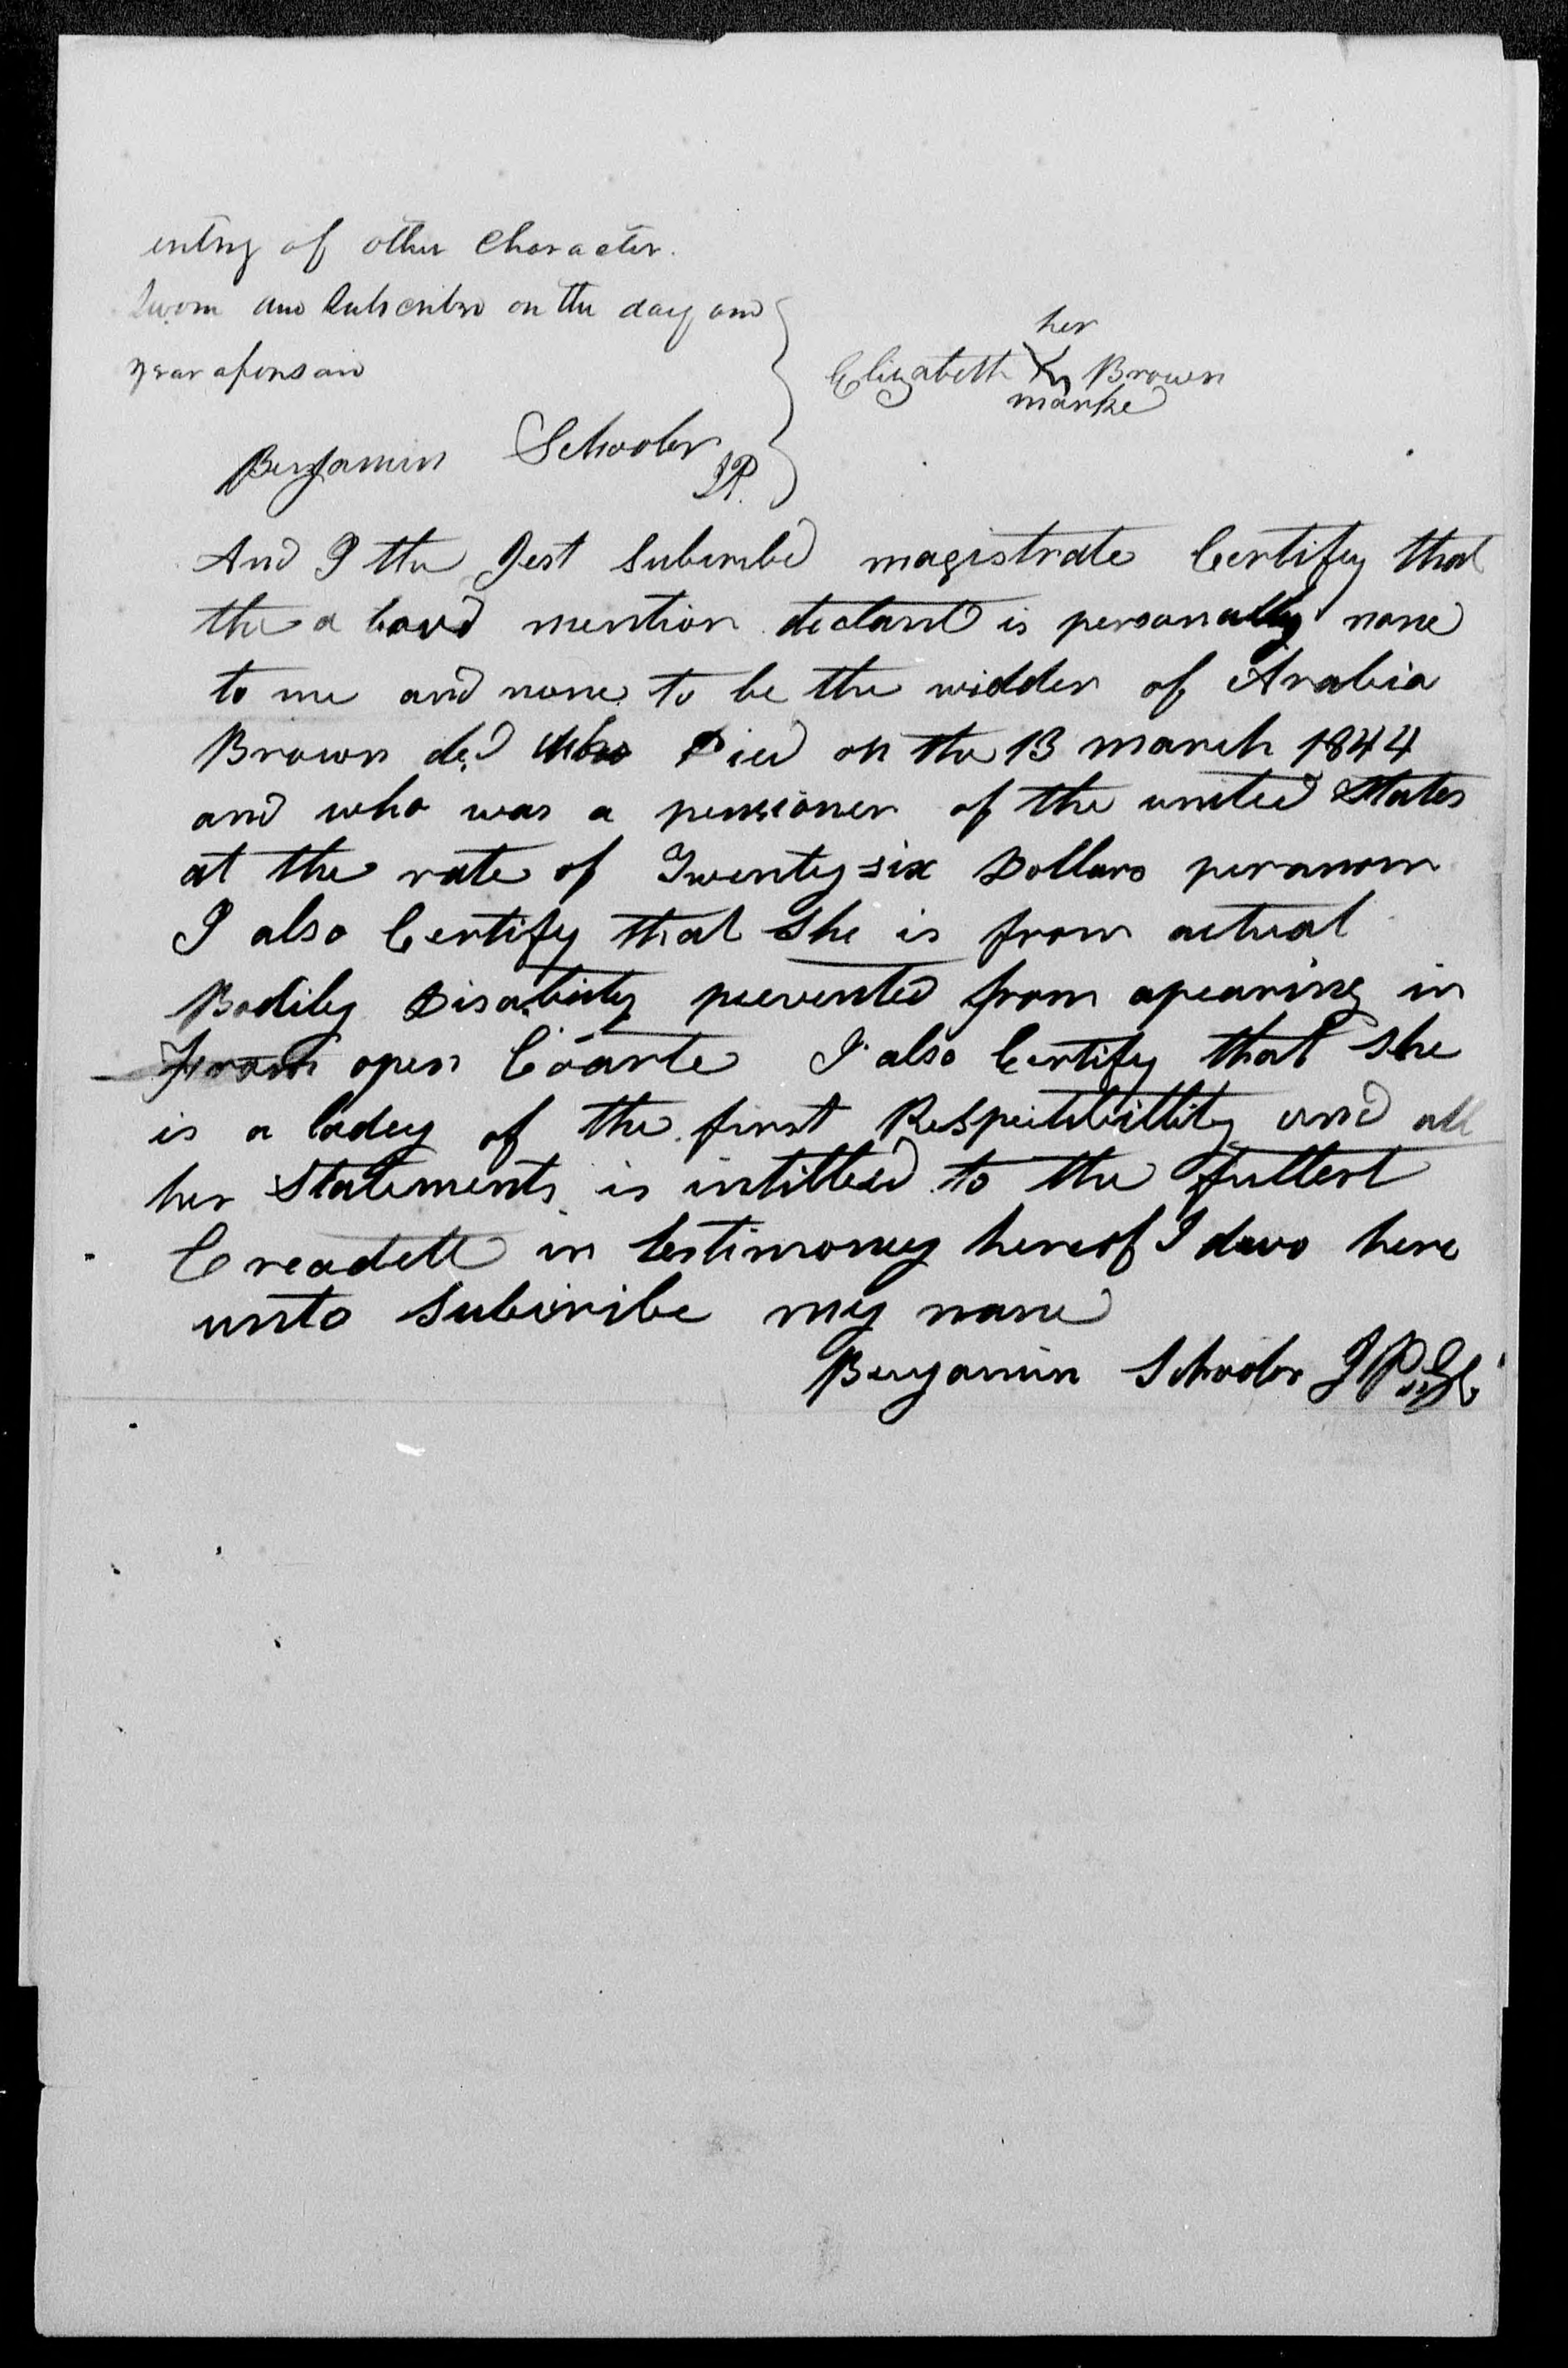entry of other character
sworn [illegible] on the day
[illegible]
Benjamin Schooler [initials]
Elizabeth [x] Brown [her marks]
And I the first [illegible] magistrate certify that the a above [above] mention declared is personally named to me and name to be the widder [widow] of Arabia Brown [illegible] who died on the 13 March 1844 and who was a penssioner of the United states at the rate of twenty six dollars [illegible] I also certify that she is from actual bodily disability prevents from appearing in [illegible] open courts I also certify that she is a lady of the first respectability and all her statements is [illegible] to the fullest I [illegible] in testimony herself I have here unto [illegible] my name Benjamin Schooler [initials]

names: Arabia Brown, Benjamin Schooler, Elizabeth Brown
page: 12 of 65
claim: widow's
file: W. 8384, Arabia Brown, Va.